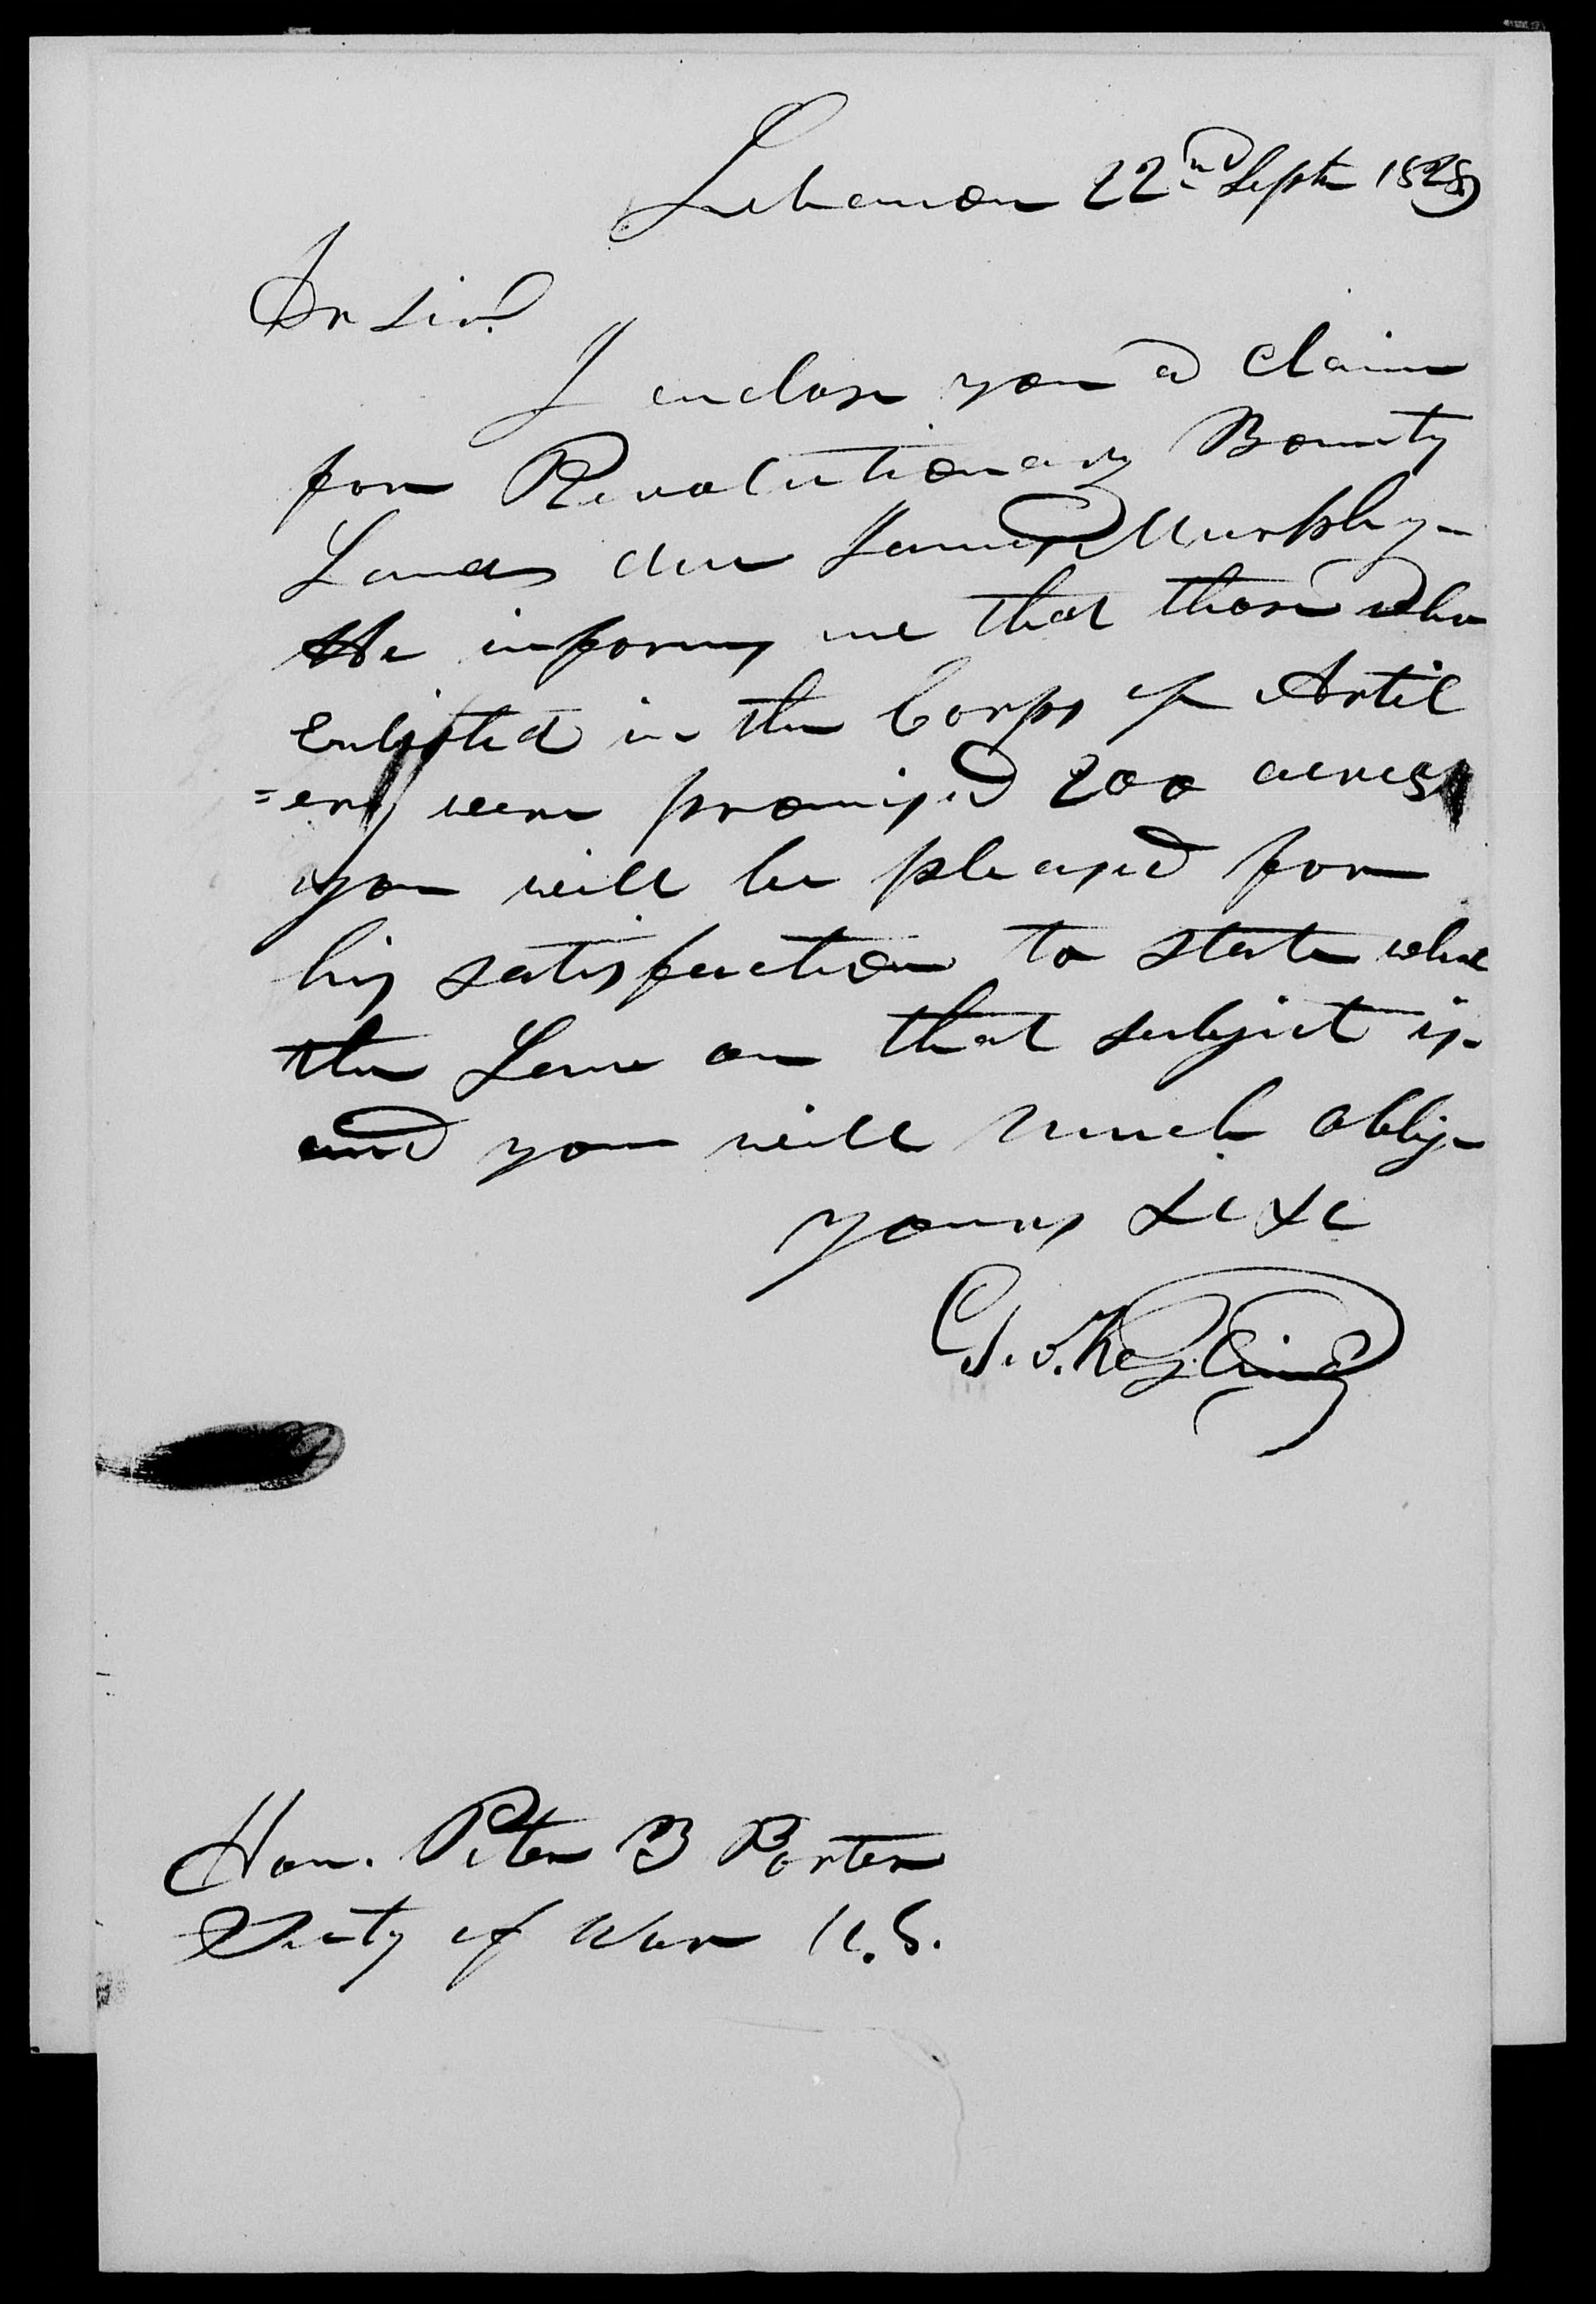Lebanon 12th Sept 1828

Dr Sir  
I enclose you a claim
for Revolutionary Bounty
Land due James Murphy -
He informs me that those the
enlisted in the Corps of Artilery
were provided 200 acres
you will be pleased for
his satisfaction to state what
the Laws on that subject is
and you will much oblige

Yours [  ]
Geo Kesling


Hon Peter B. Porter
Secty of War U.S.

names: Geoe Kesling; James Murphy; Peter B Porter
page: 49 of 57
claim: widow's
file: W. 25,739, for James Murphey, Pennsylvania